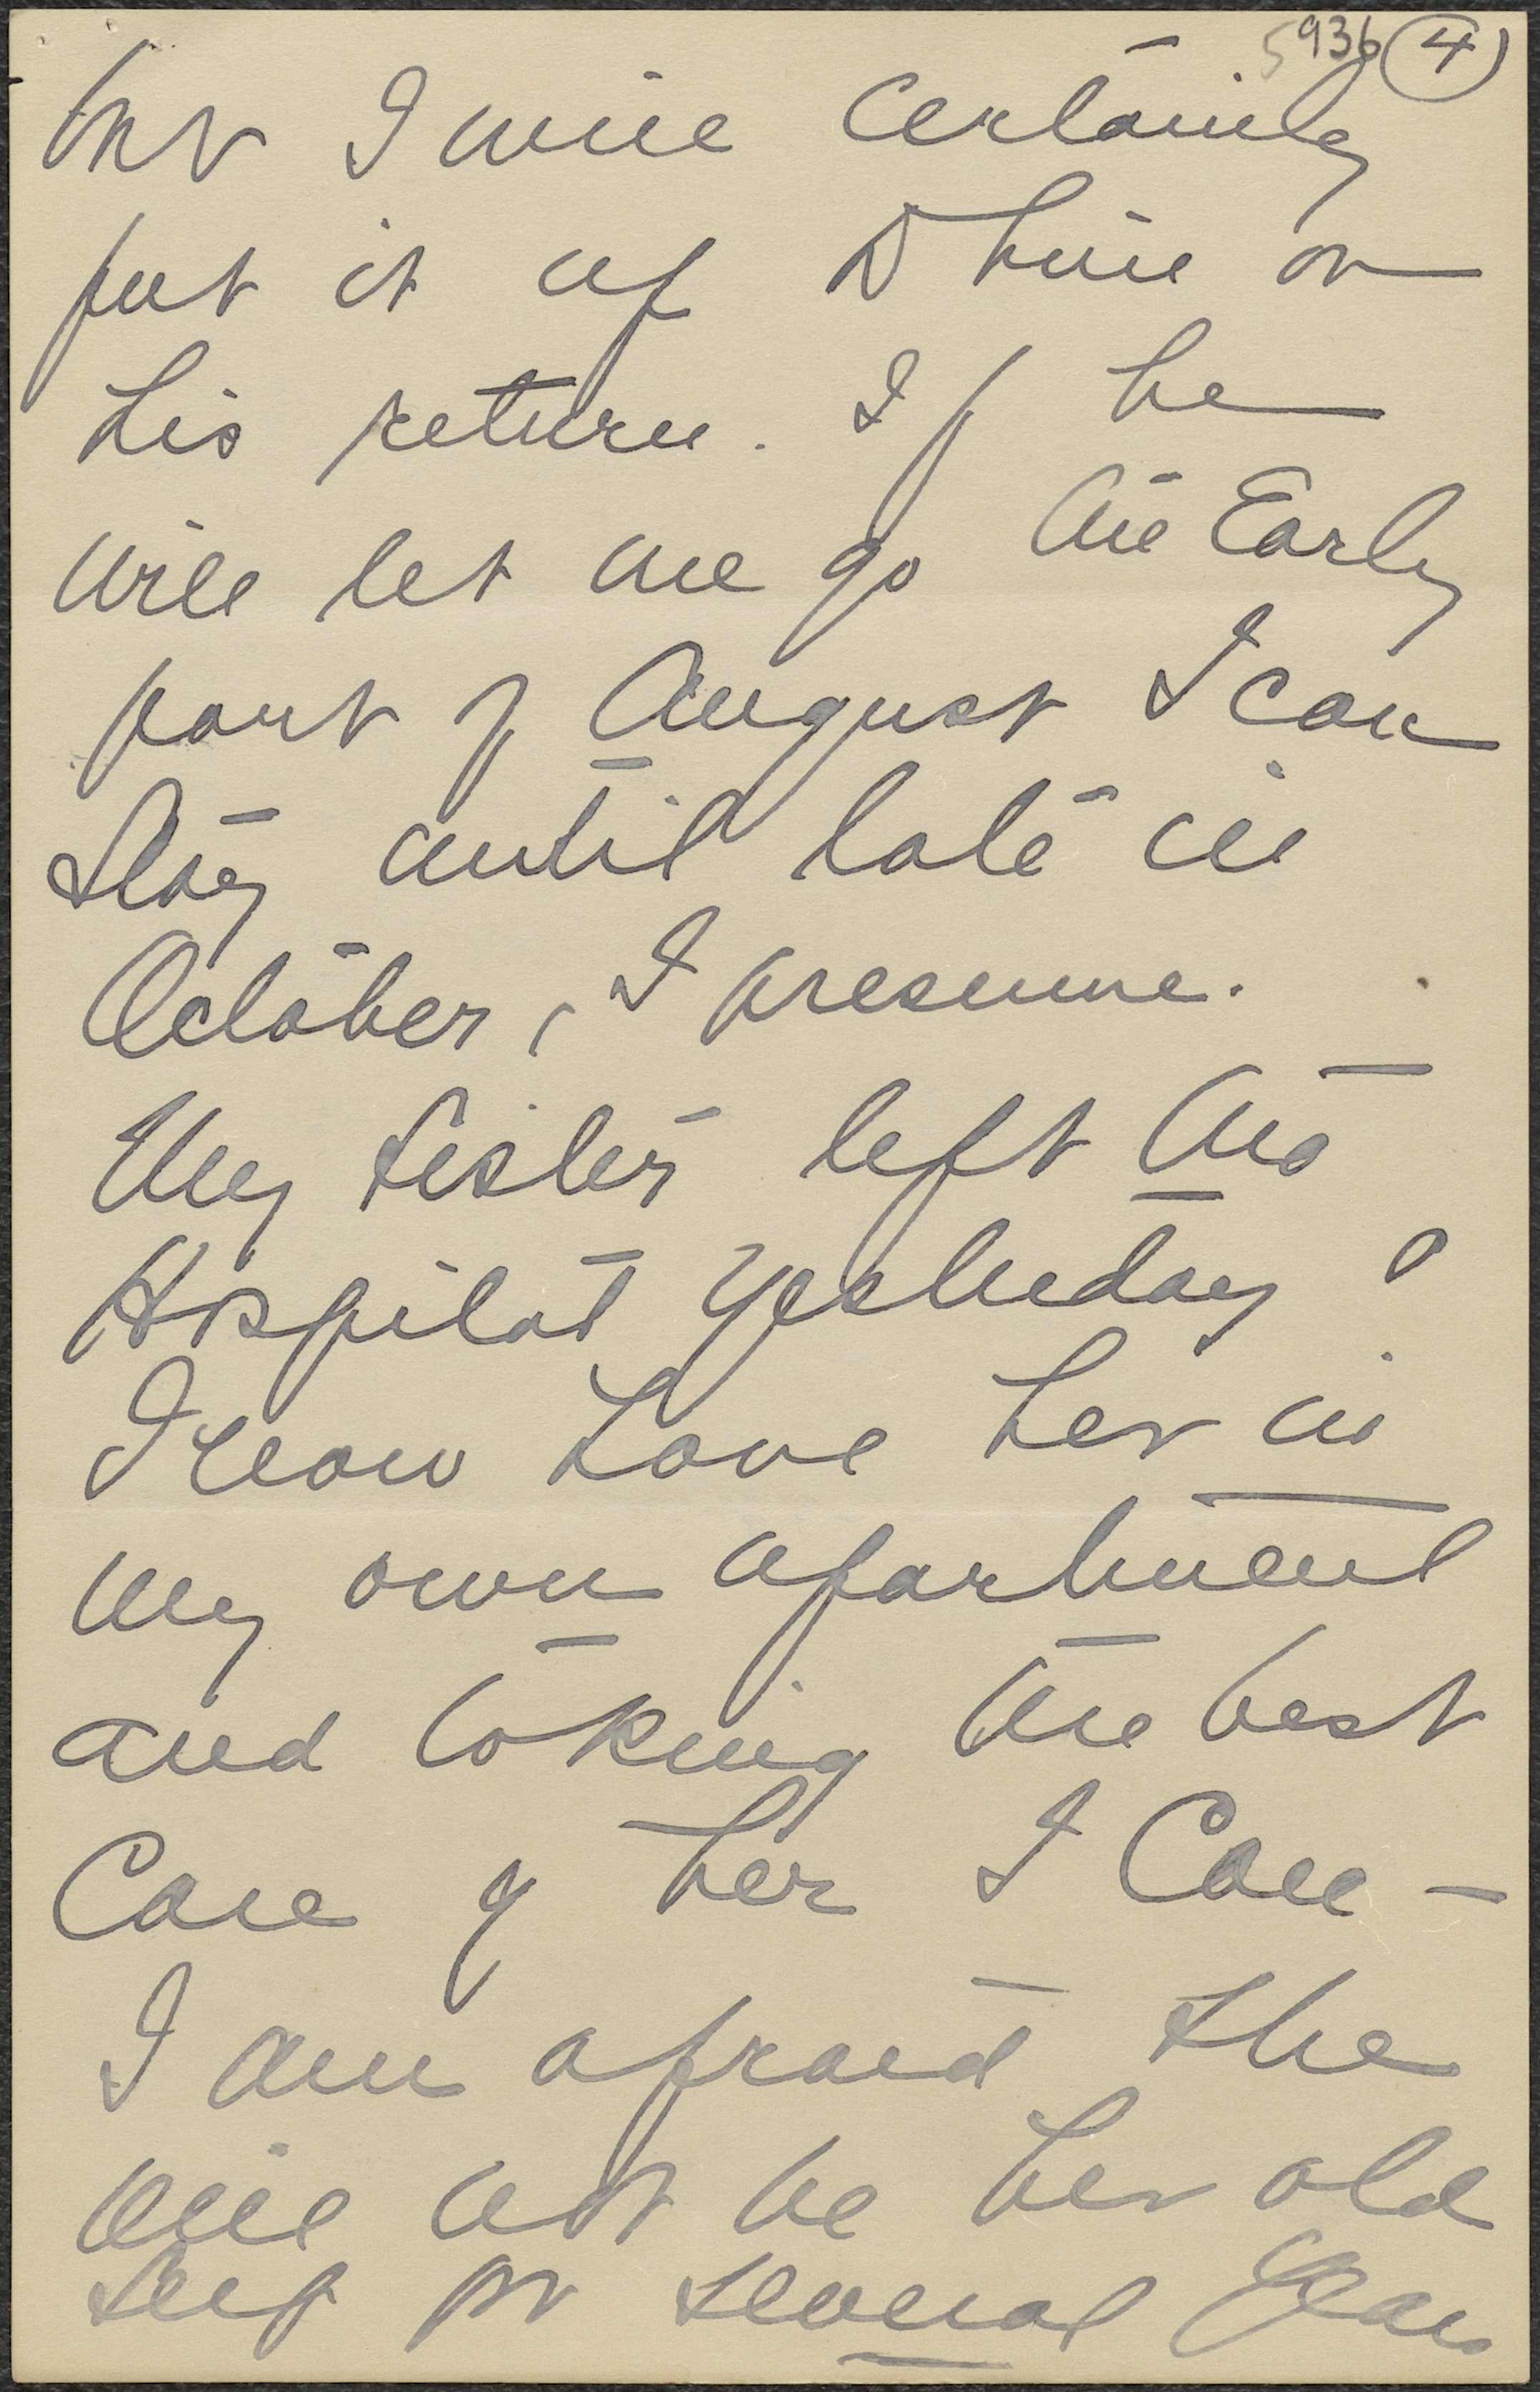[circled: 4]
but I will certainly put it up to him on his return. If he will let me go the early part of August I can stay until late in October, I presume.
My sister left the Hospital yesterday & I now have her in my own apartment and taking the best care of her I can –
I am afraid she will not be her old self for several years